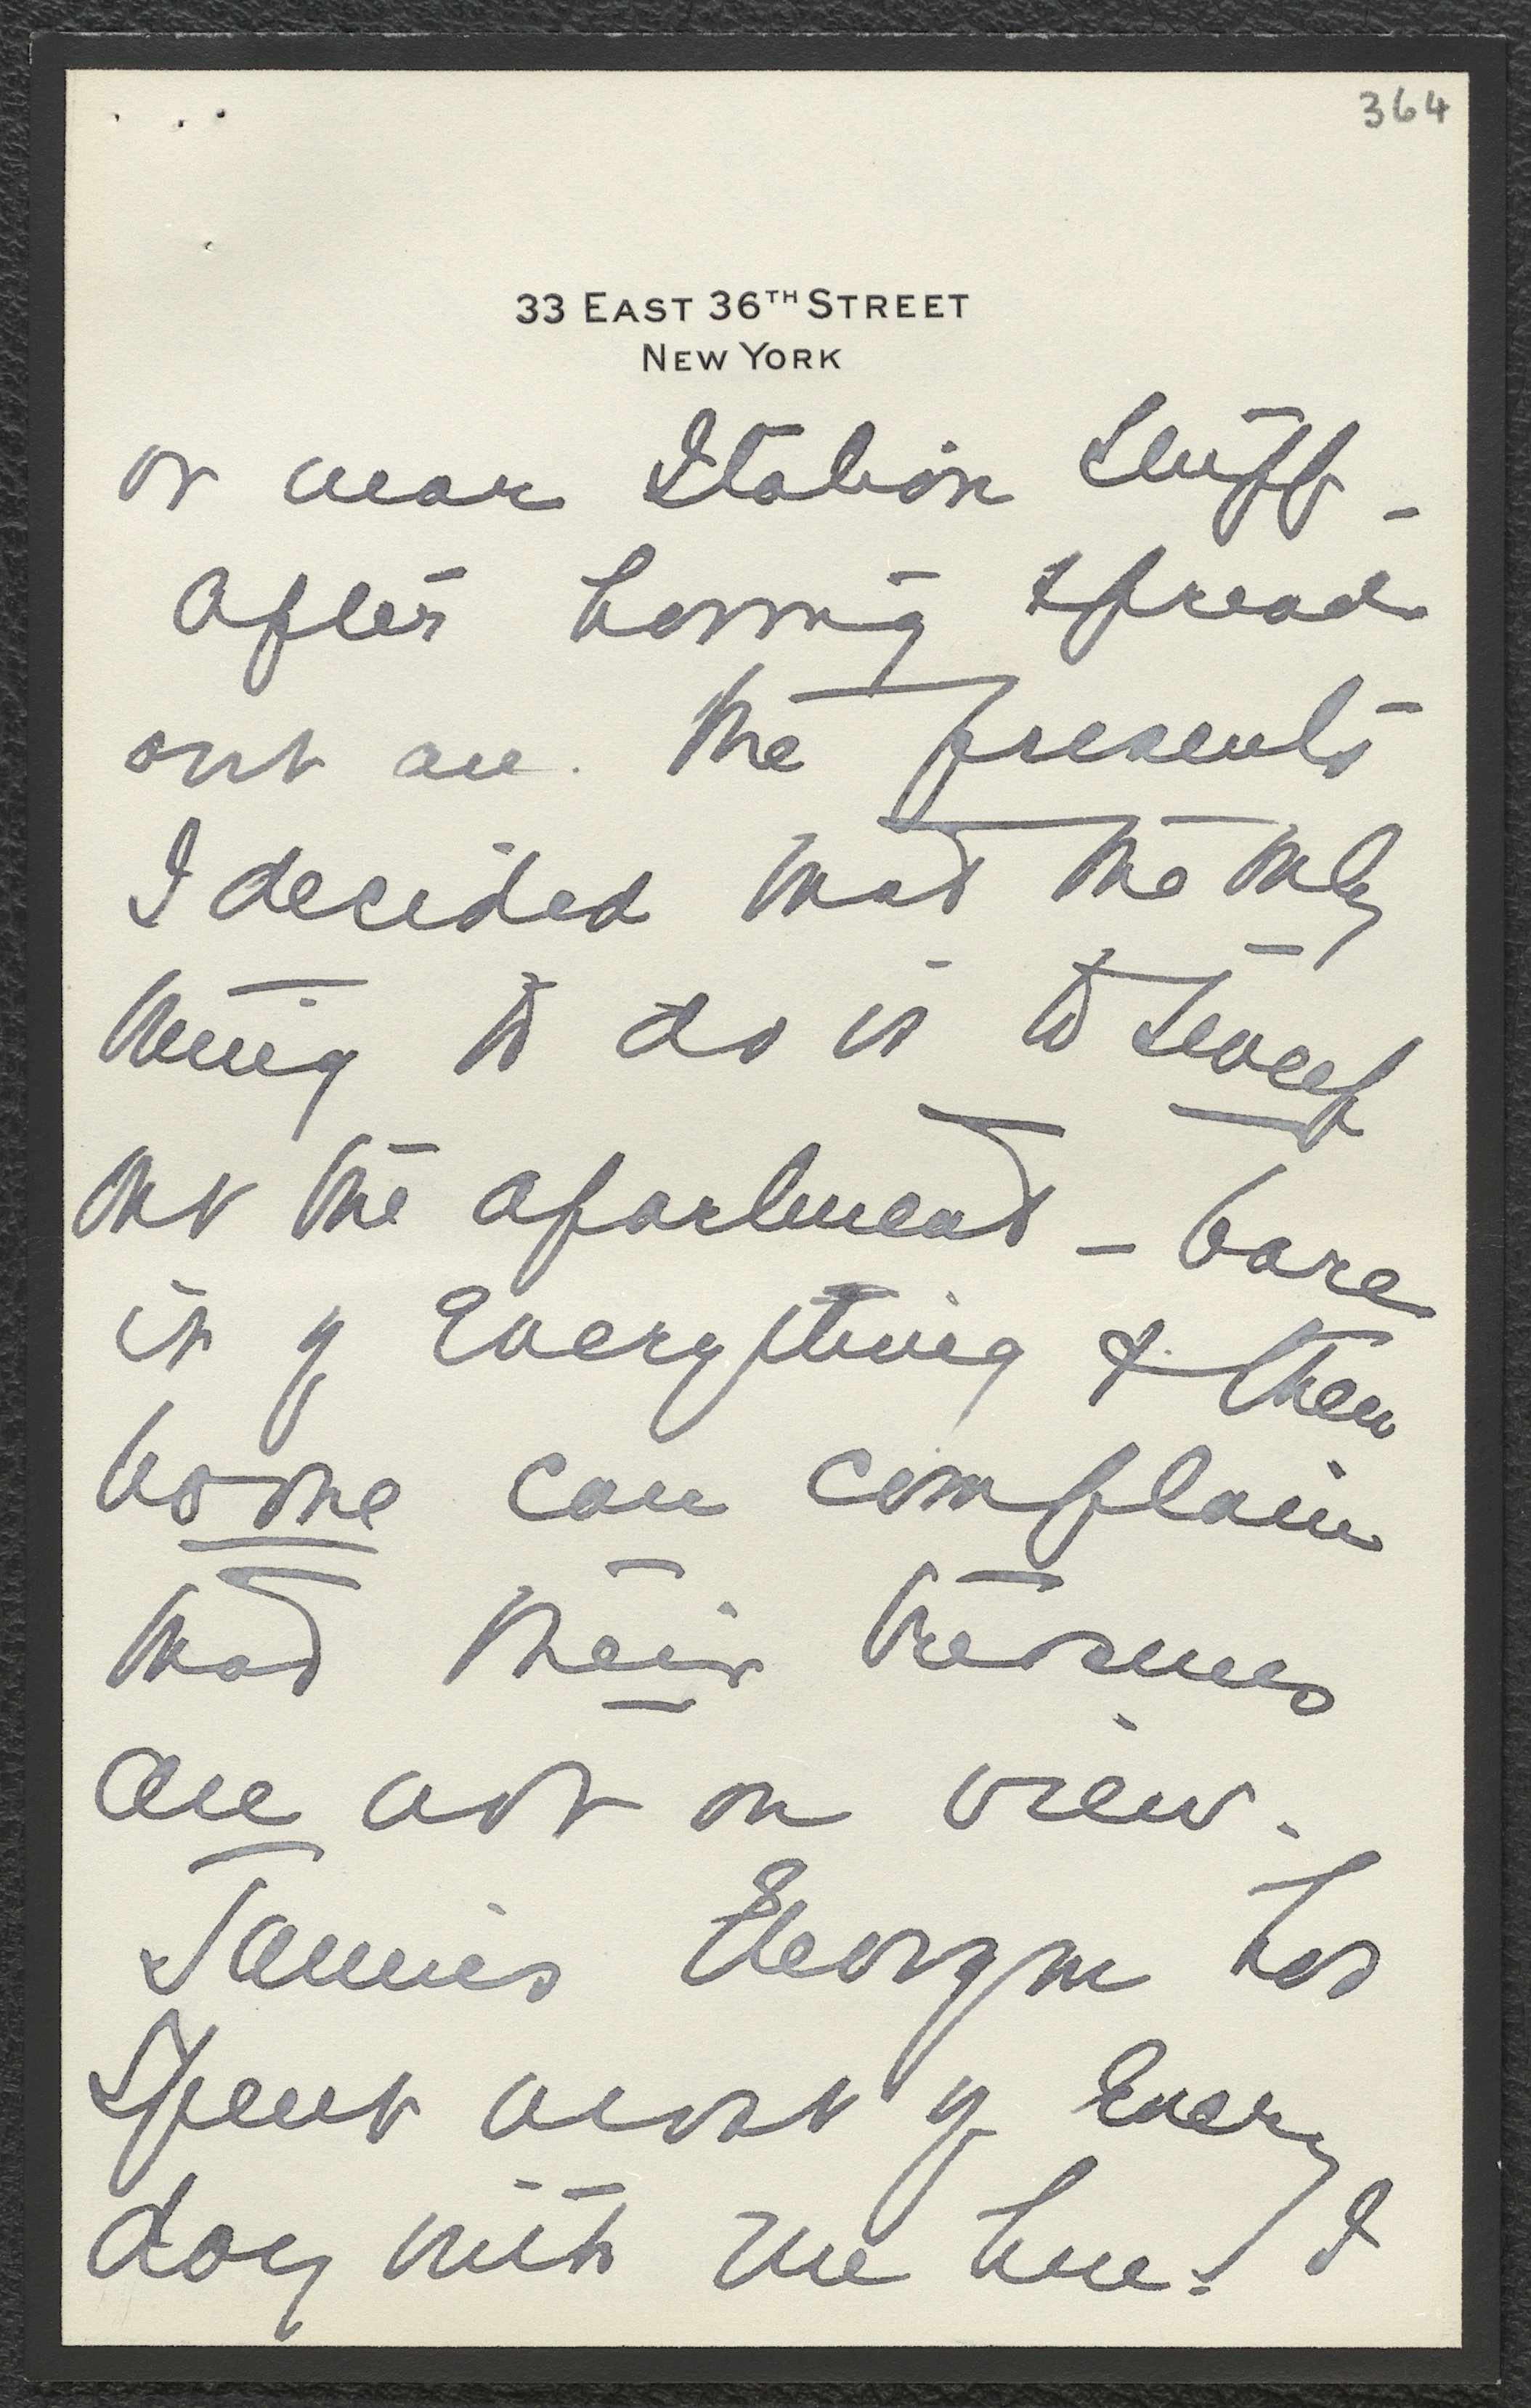or near Italian stuff – after having spread out all the presents I decided that the only thing to do is to sweep out the apartment – bare it of everything & then no one can complain that their treasures are not on view.
Junius Morgan has spent most of every day with me here. I